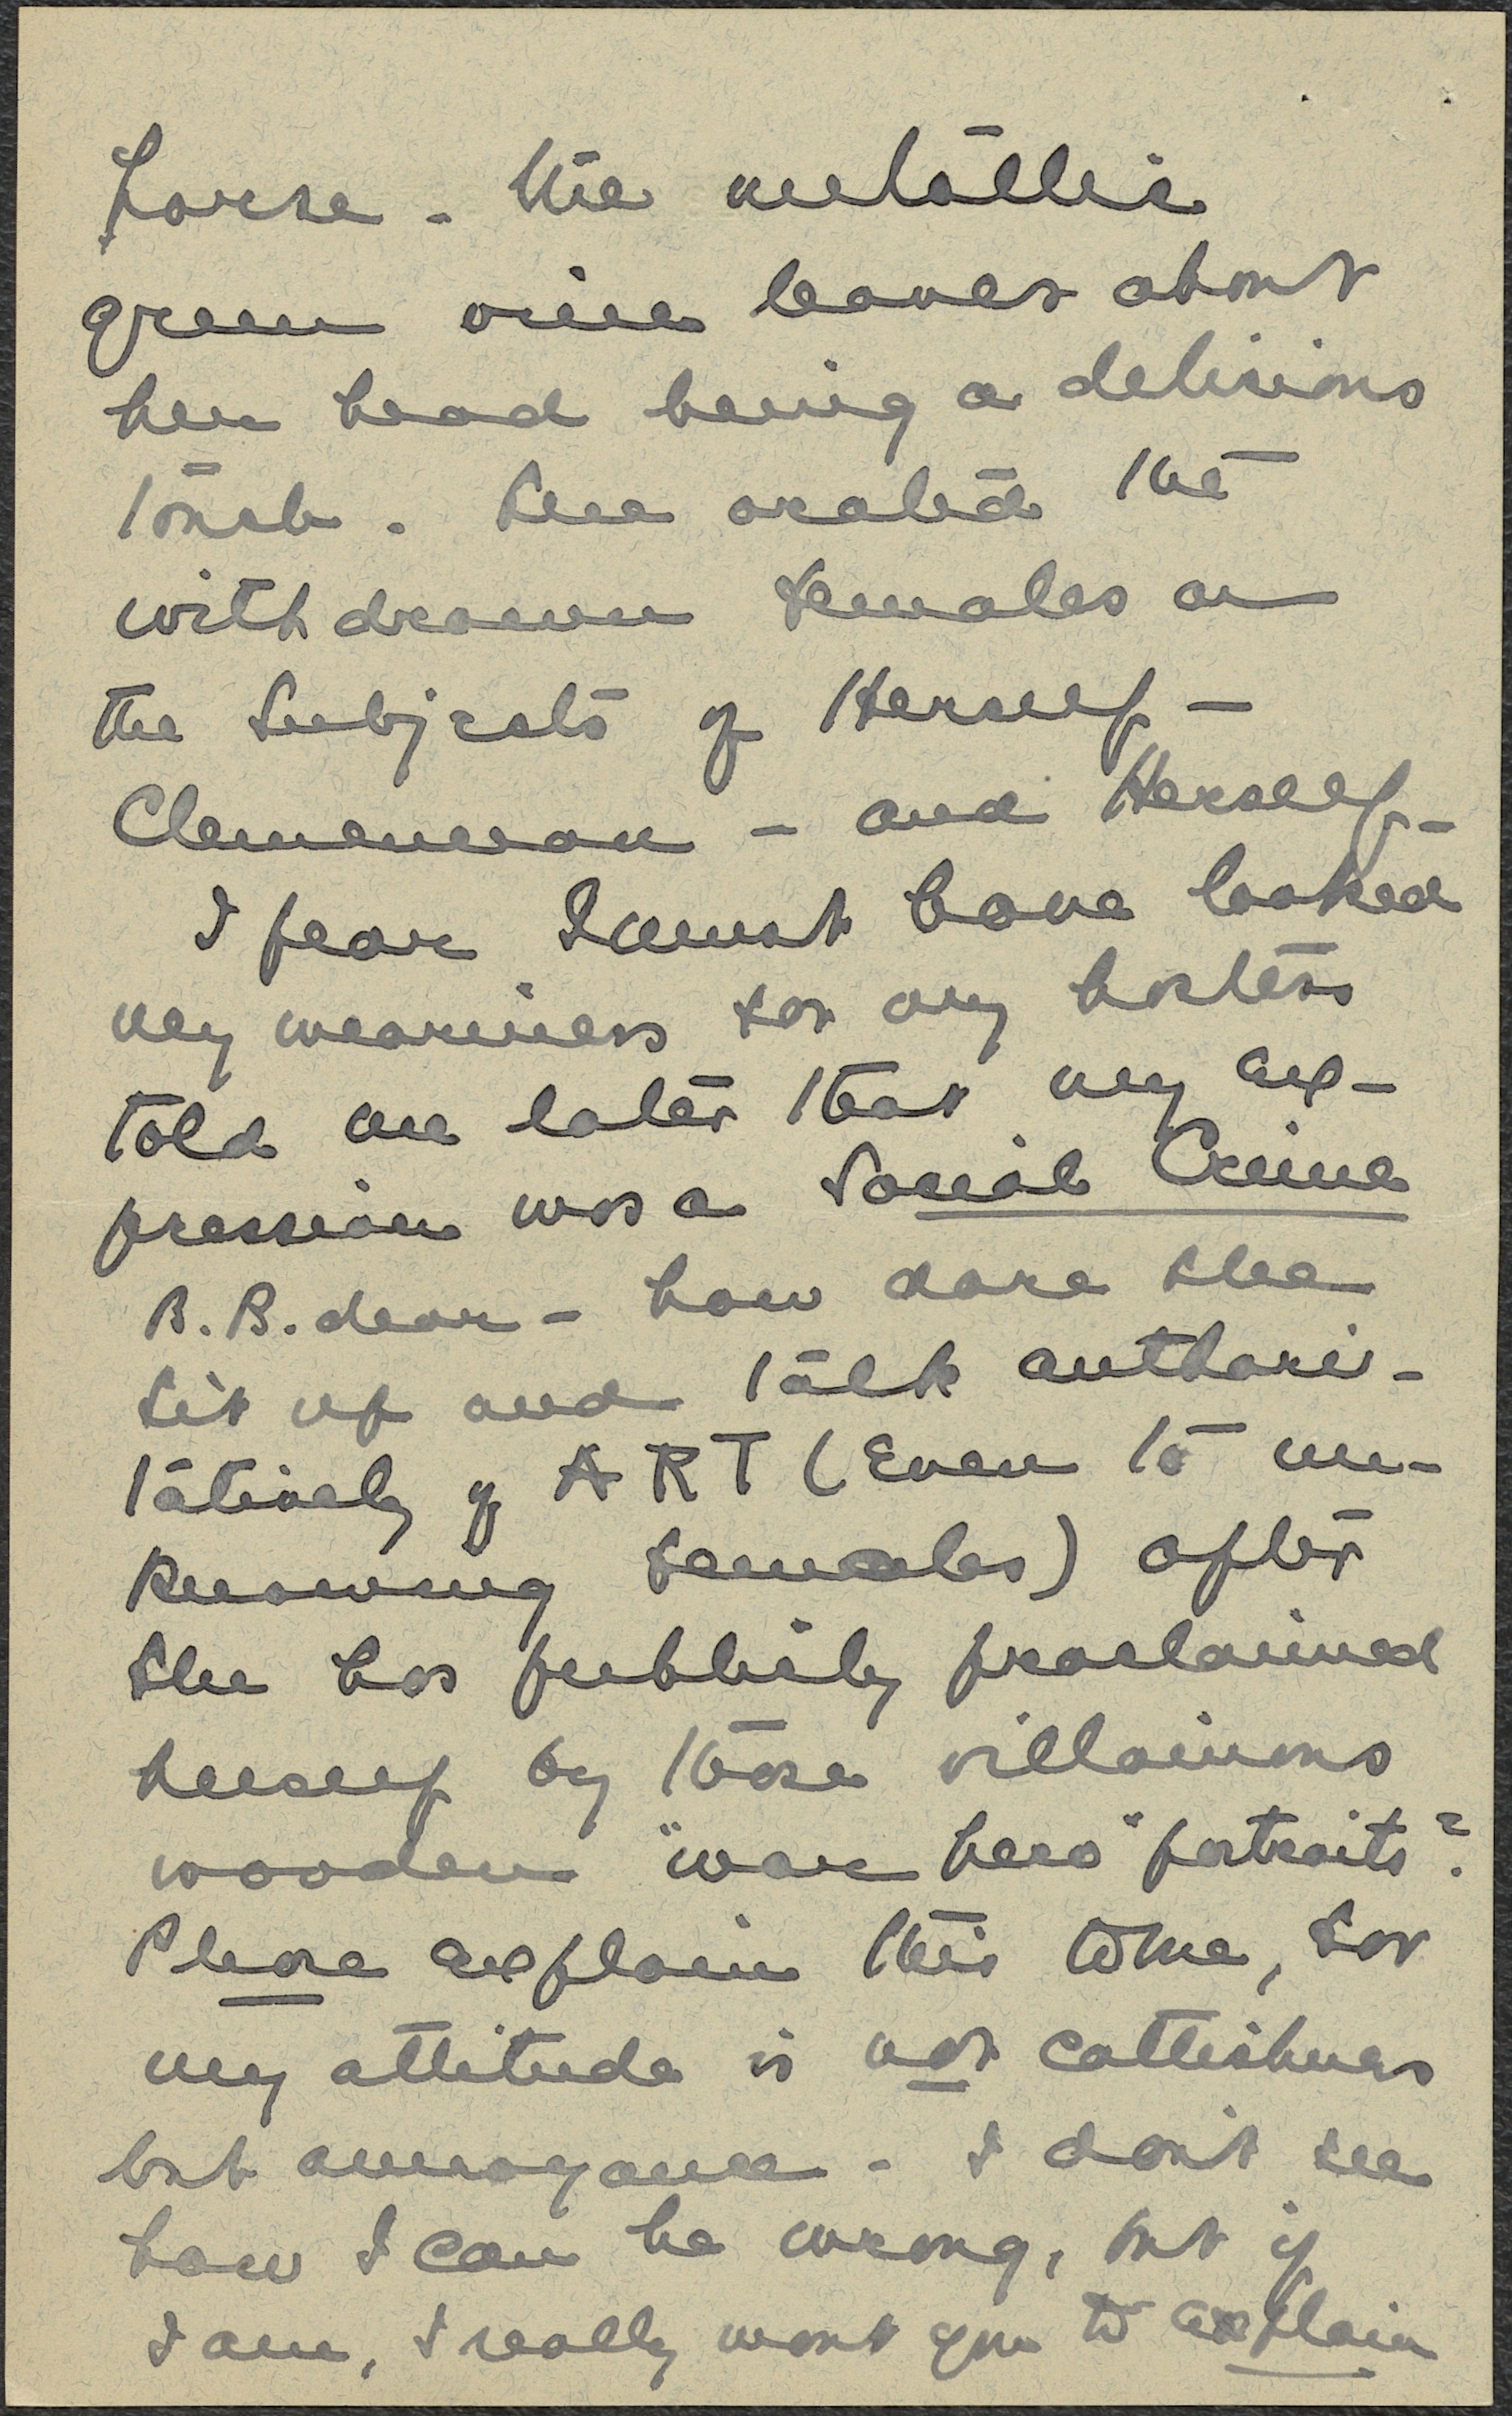horse – the metallic green vine leaves about her head being a delicious touch. She orated the withdrawn females on the Subjects of Herself – Clemenceau – and Herself –
I fear I must have looked my weariness for my hostess told me later that my expression was a Social Crime
B.B. dear – how dare she sit up and talk authoritatively of ART (Even to unknowing females) after she has publicly proclaimed herself by those villainous wooden "war hero" portraits?
Please explain this to me, for my attitude is not cattishness but annoyance – I don't see how I can be wrong, but if I am, I really want you to explain